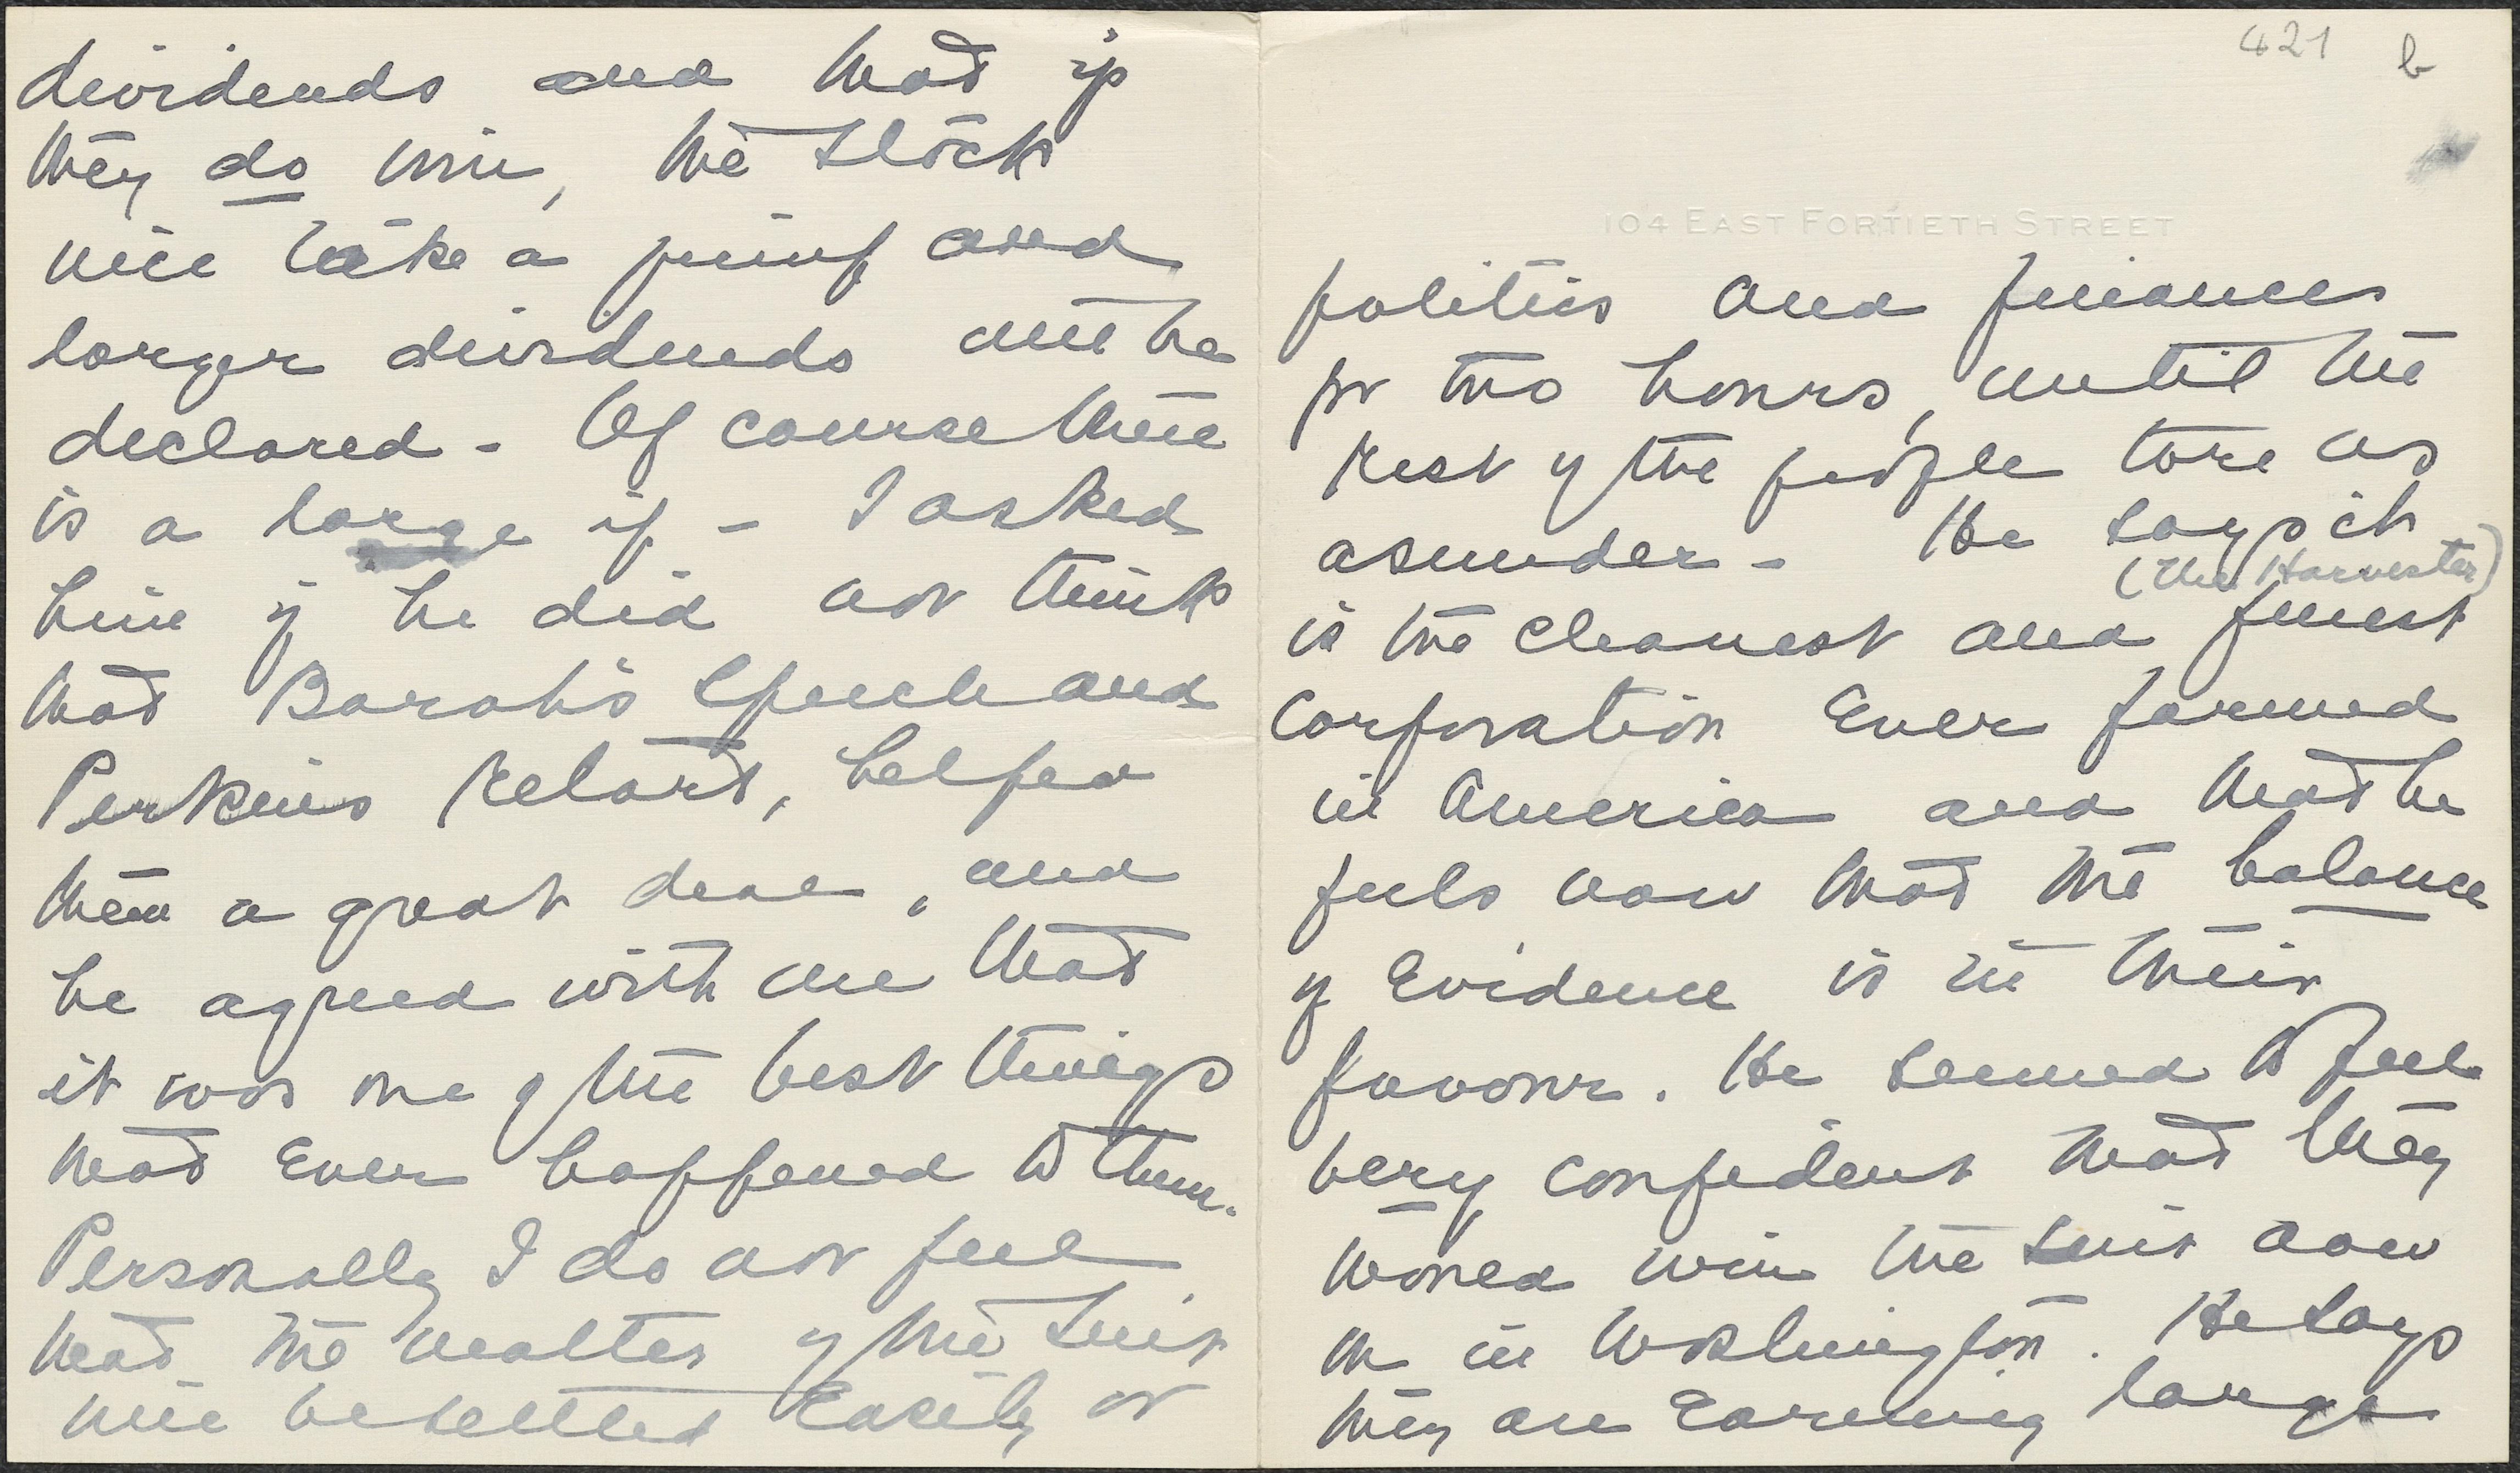politics and finance for two hours, until the rest of the people tore us asunder – he says it [below line: (the Harvester)] is the cleanest and finest corporation ever formed in America and that he feels now that the balance of evidence is in their favour. He seemed to feel very confident that they would win the suit now on in Washington. He says they are earning large
dividends and that if they do win, the stock will take a jump and larger dividends will be declared – Of course there is a large if – I asked him if he did not think that Borah’s speech and Perkins retort, helped them a great deal, and he agreed with me that it was one of the best things that ever happened to them. Personally I do not feel that the matter of the suit will be settled easily or